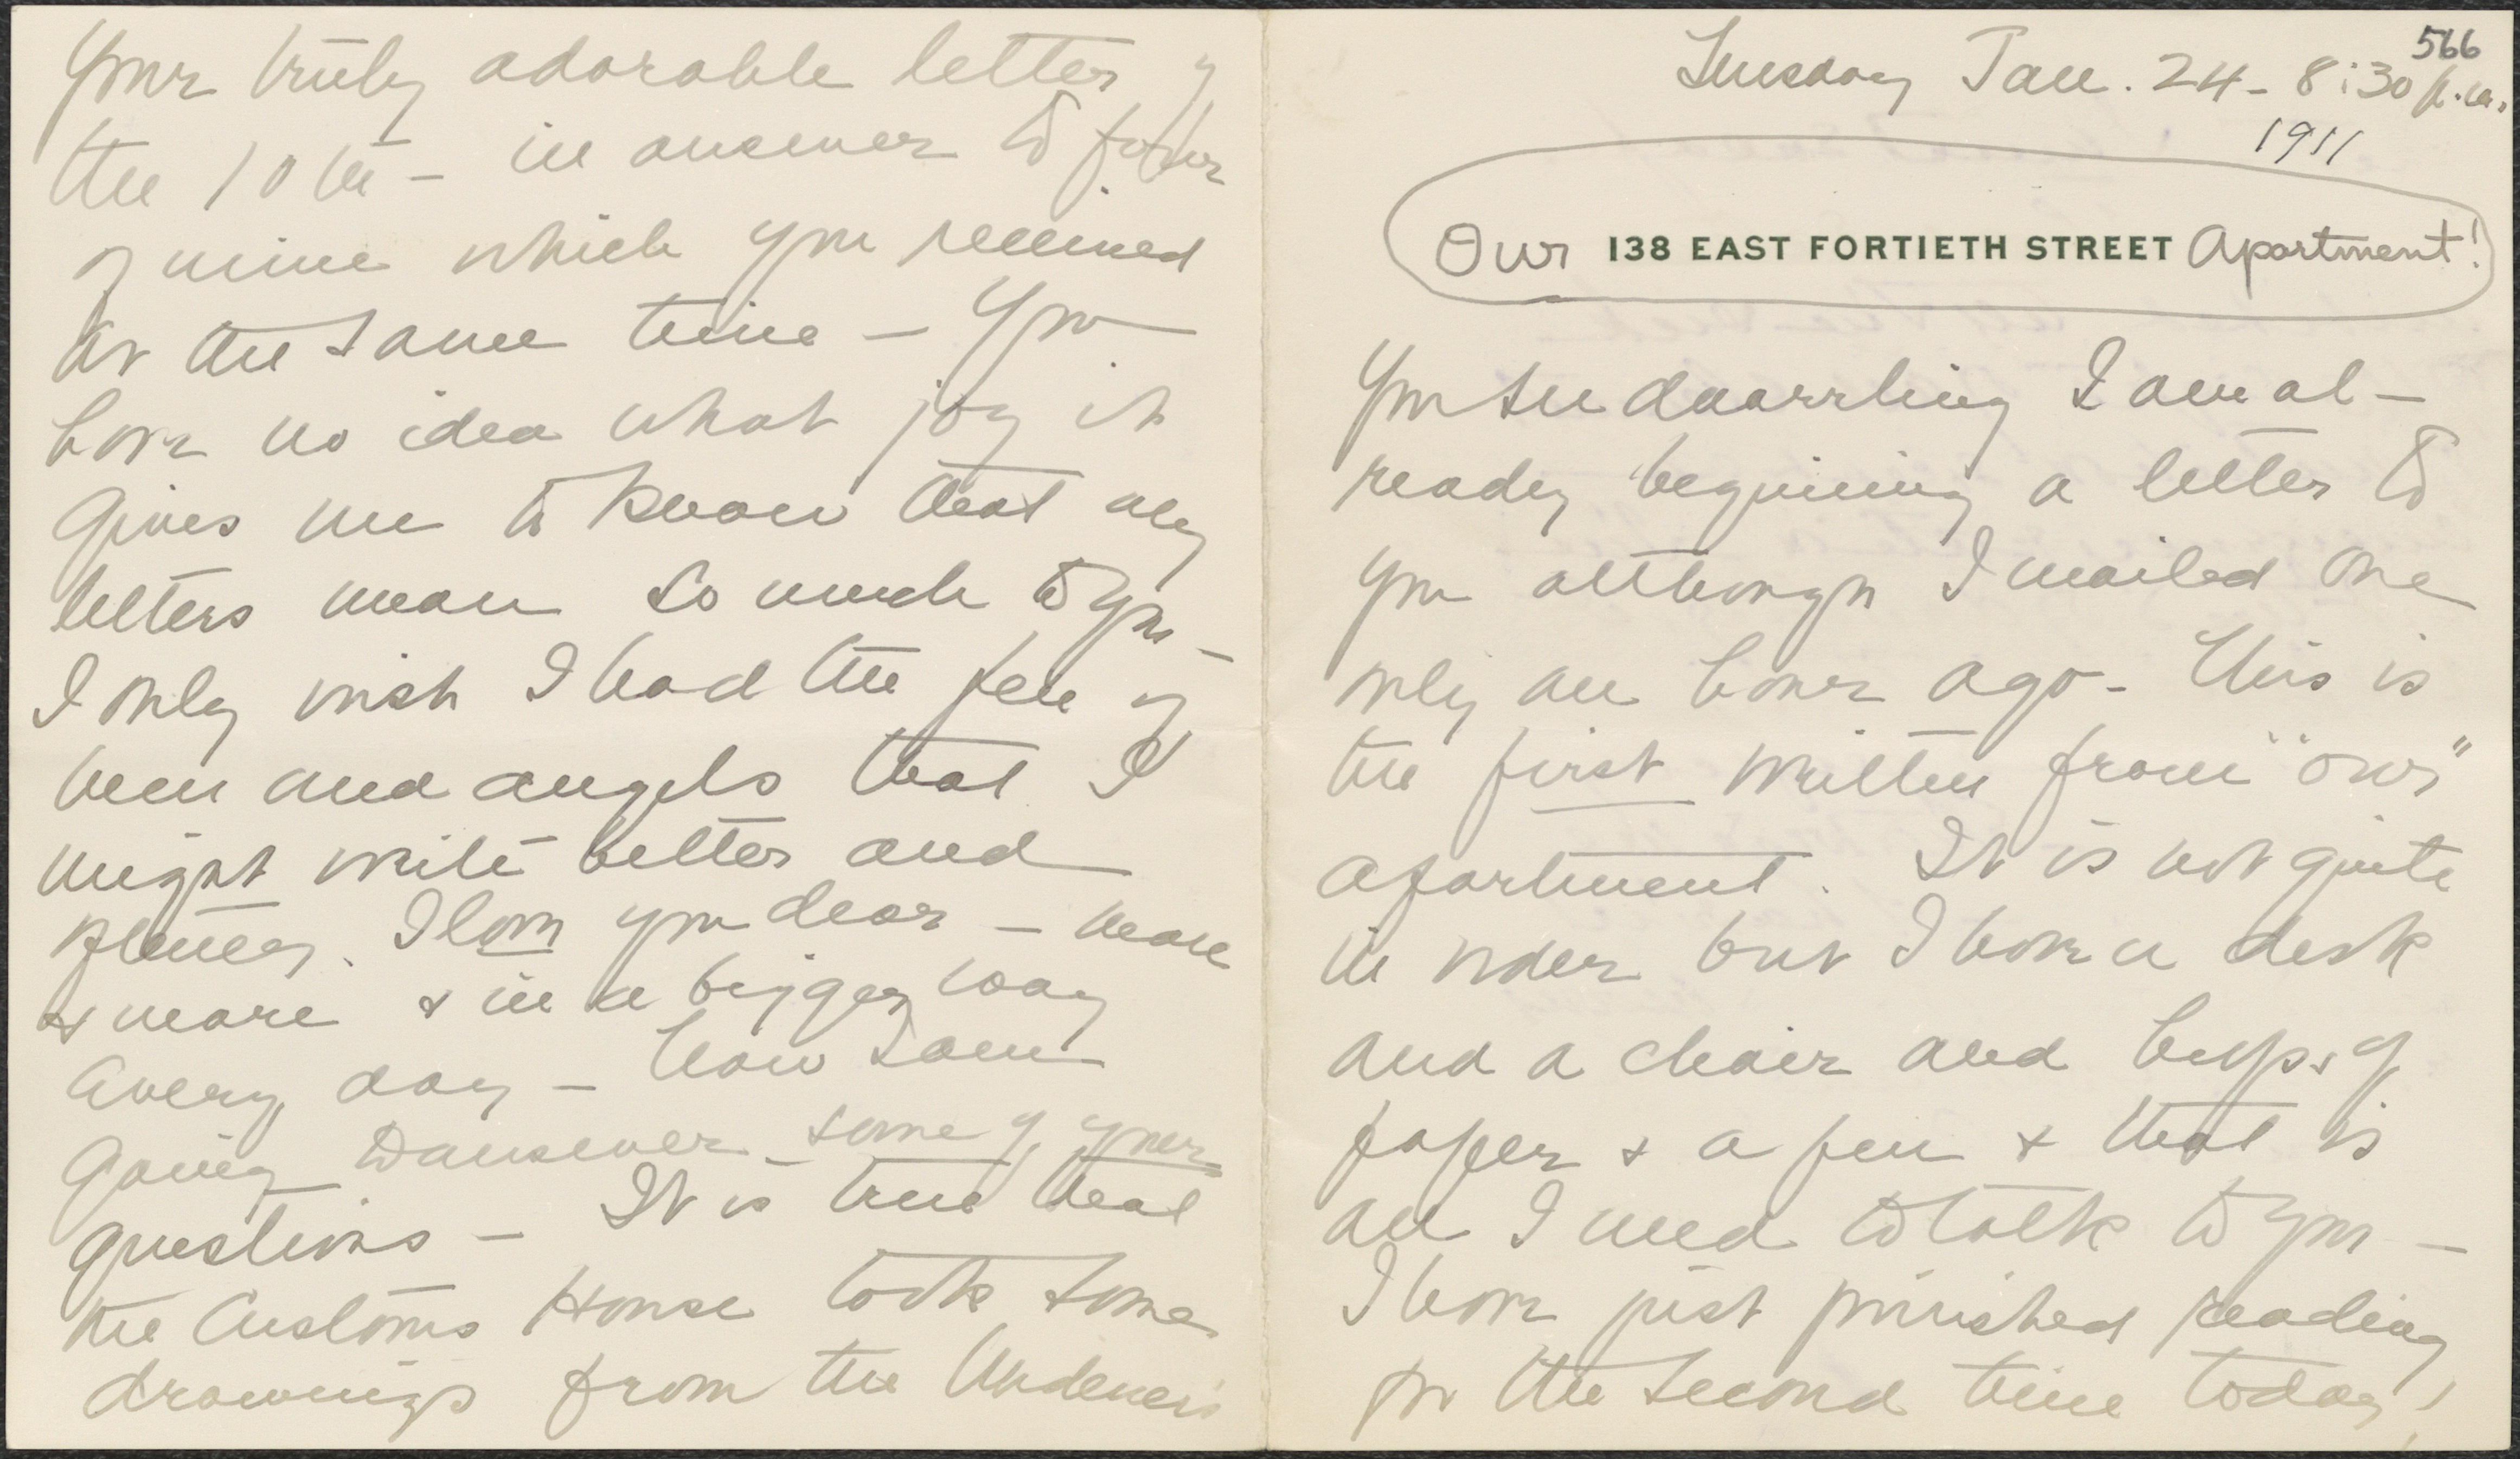Tuesday Jan. 24 – 8:30 p.m.
[circled, in secretarial script: Our [printed letterhead] Apartment!]
You see daarrling I am already beginning a letter to you although I mailed one only an hour ago – This is the first written from “our” apartment. It is not quite in order but I have a desk and a chair and heaps of paper & a pen & that is all I need to talk to you –
I have just finished reading, for the second time today,
Your truly adorable letter of the 10th – in answer to four of mine which you received at the same time – You have no idea what joy it gives me to know that my letters mean so much to you – I only wish I had the pen of men and angels that I might write better and oftener. I love you dear – more & more & in a bigger way every day – Now I am going to answer some of your questions – It is true that the Customs House took some drawings from the Widener’s